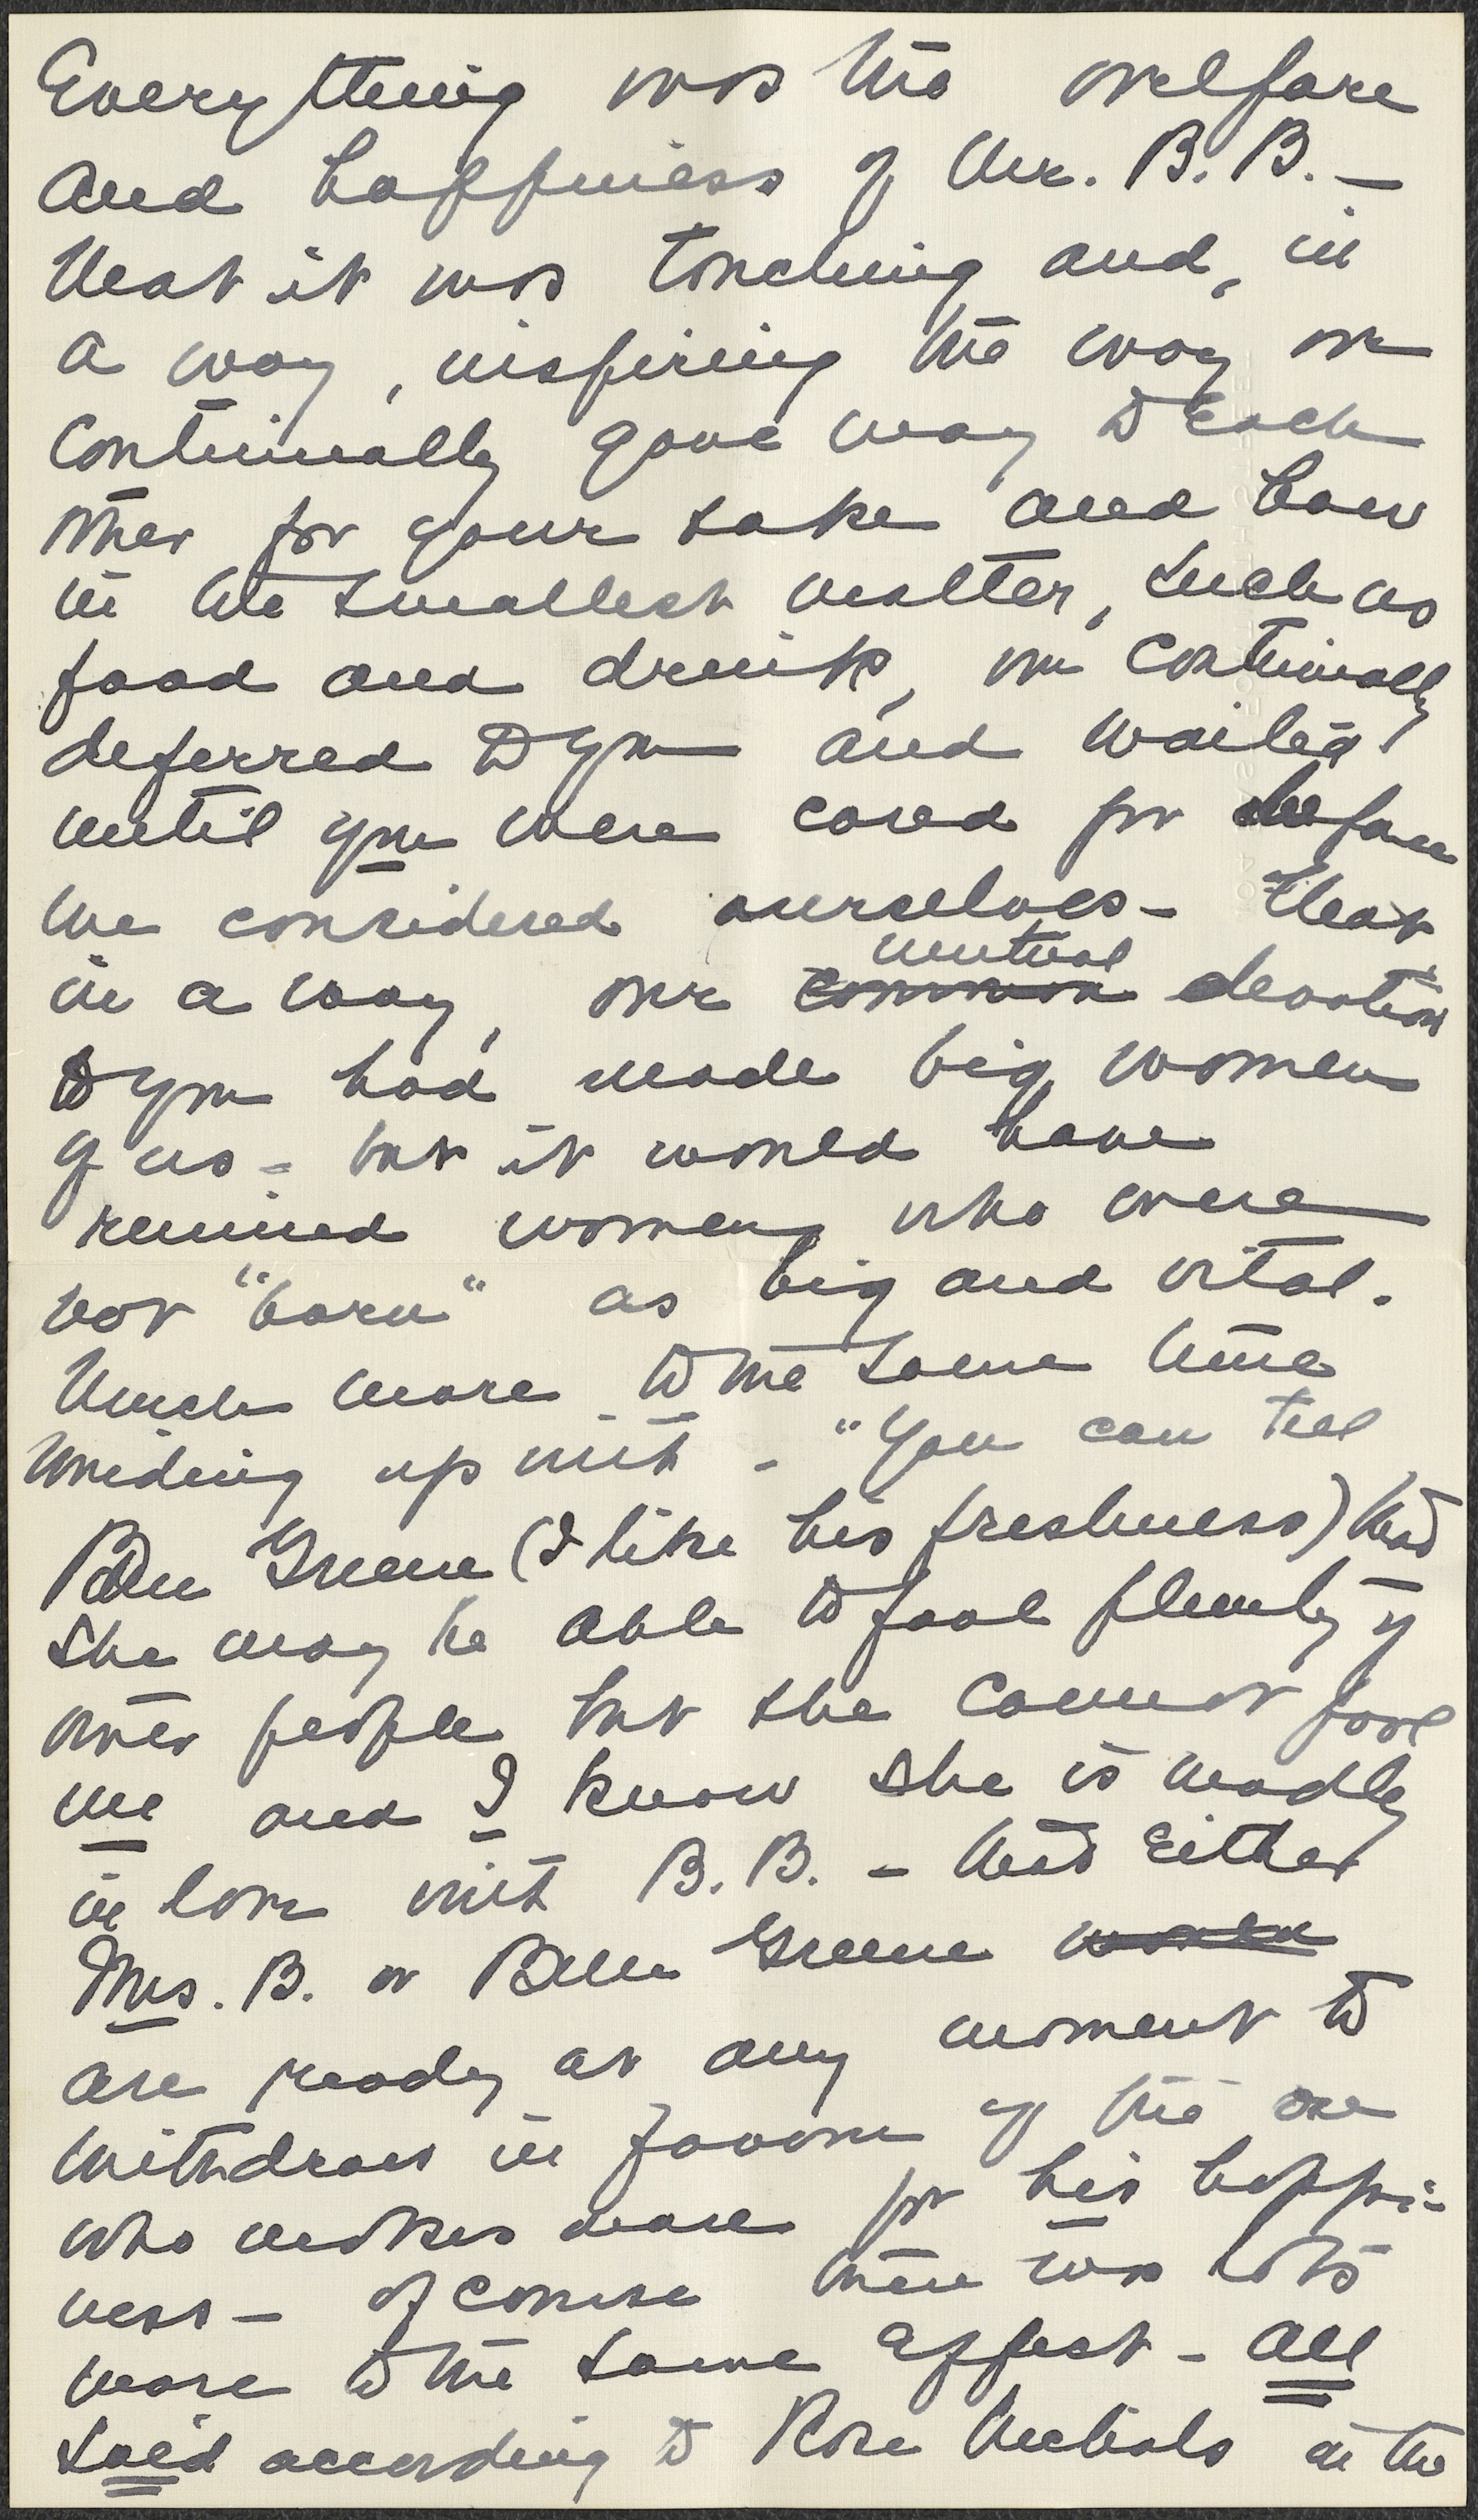everything was the welfare and happiness of Mr. B.B. – that it was touching and, in a way, inspiring the way we continually gave way to each other for your sake and how in the smallest matter, such as food and drink, we continually deferred to you and waited until you were cared for before we considered ourselves – That in a way, our common [^mutual^] devotion to you had made big women of us – but it would have revived women who were not "born" as big and vital. Much more to the same tune winding up with – "You can tell Belle Greene (I like his freshness) that she may be able to fool plenty of other people but she cannot fool me and I know she is madly in love with B.B. – that either Mrs B. or Belle Greene would are ready at any moment to withdraw in favour of the one who makes more for his happiness – of course there was lots more to the same effect – [double-underlined: all said] according to Rose Nicholas in the